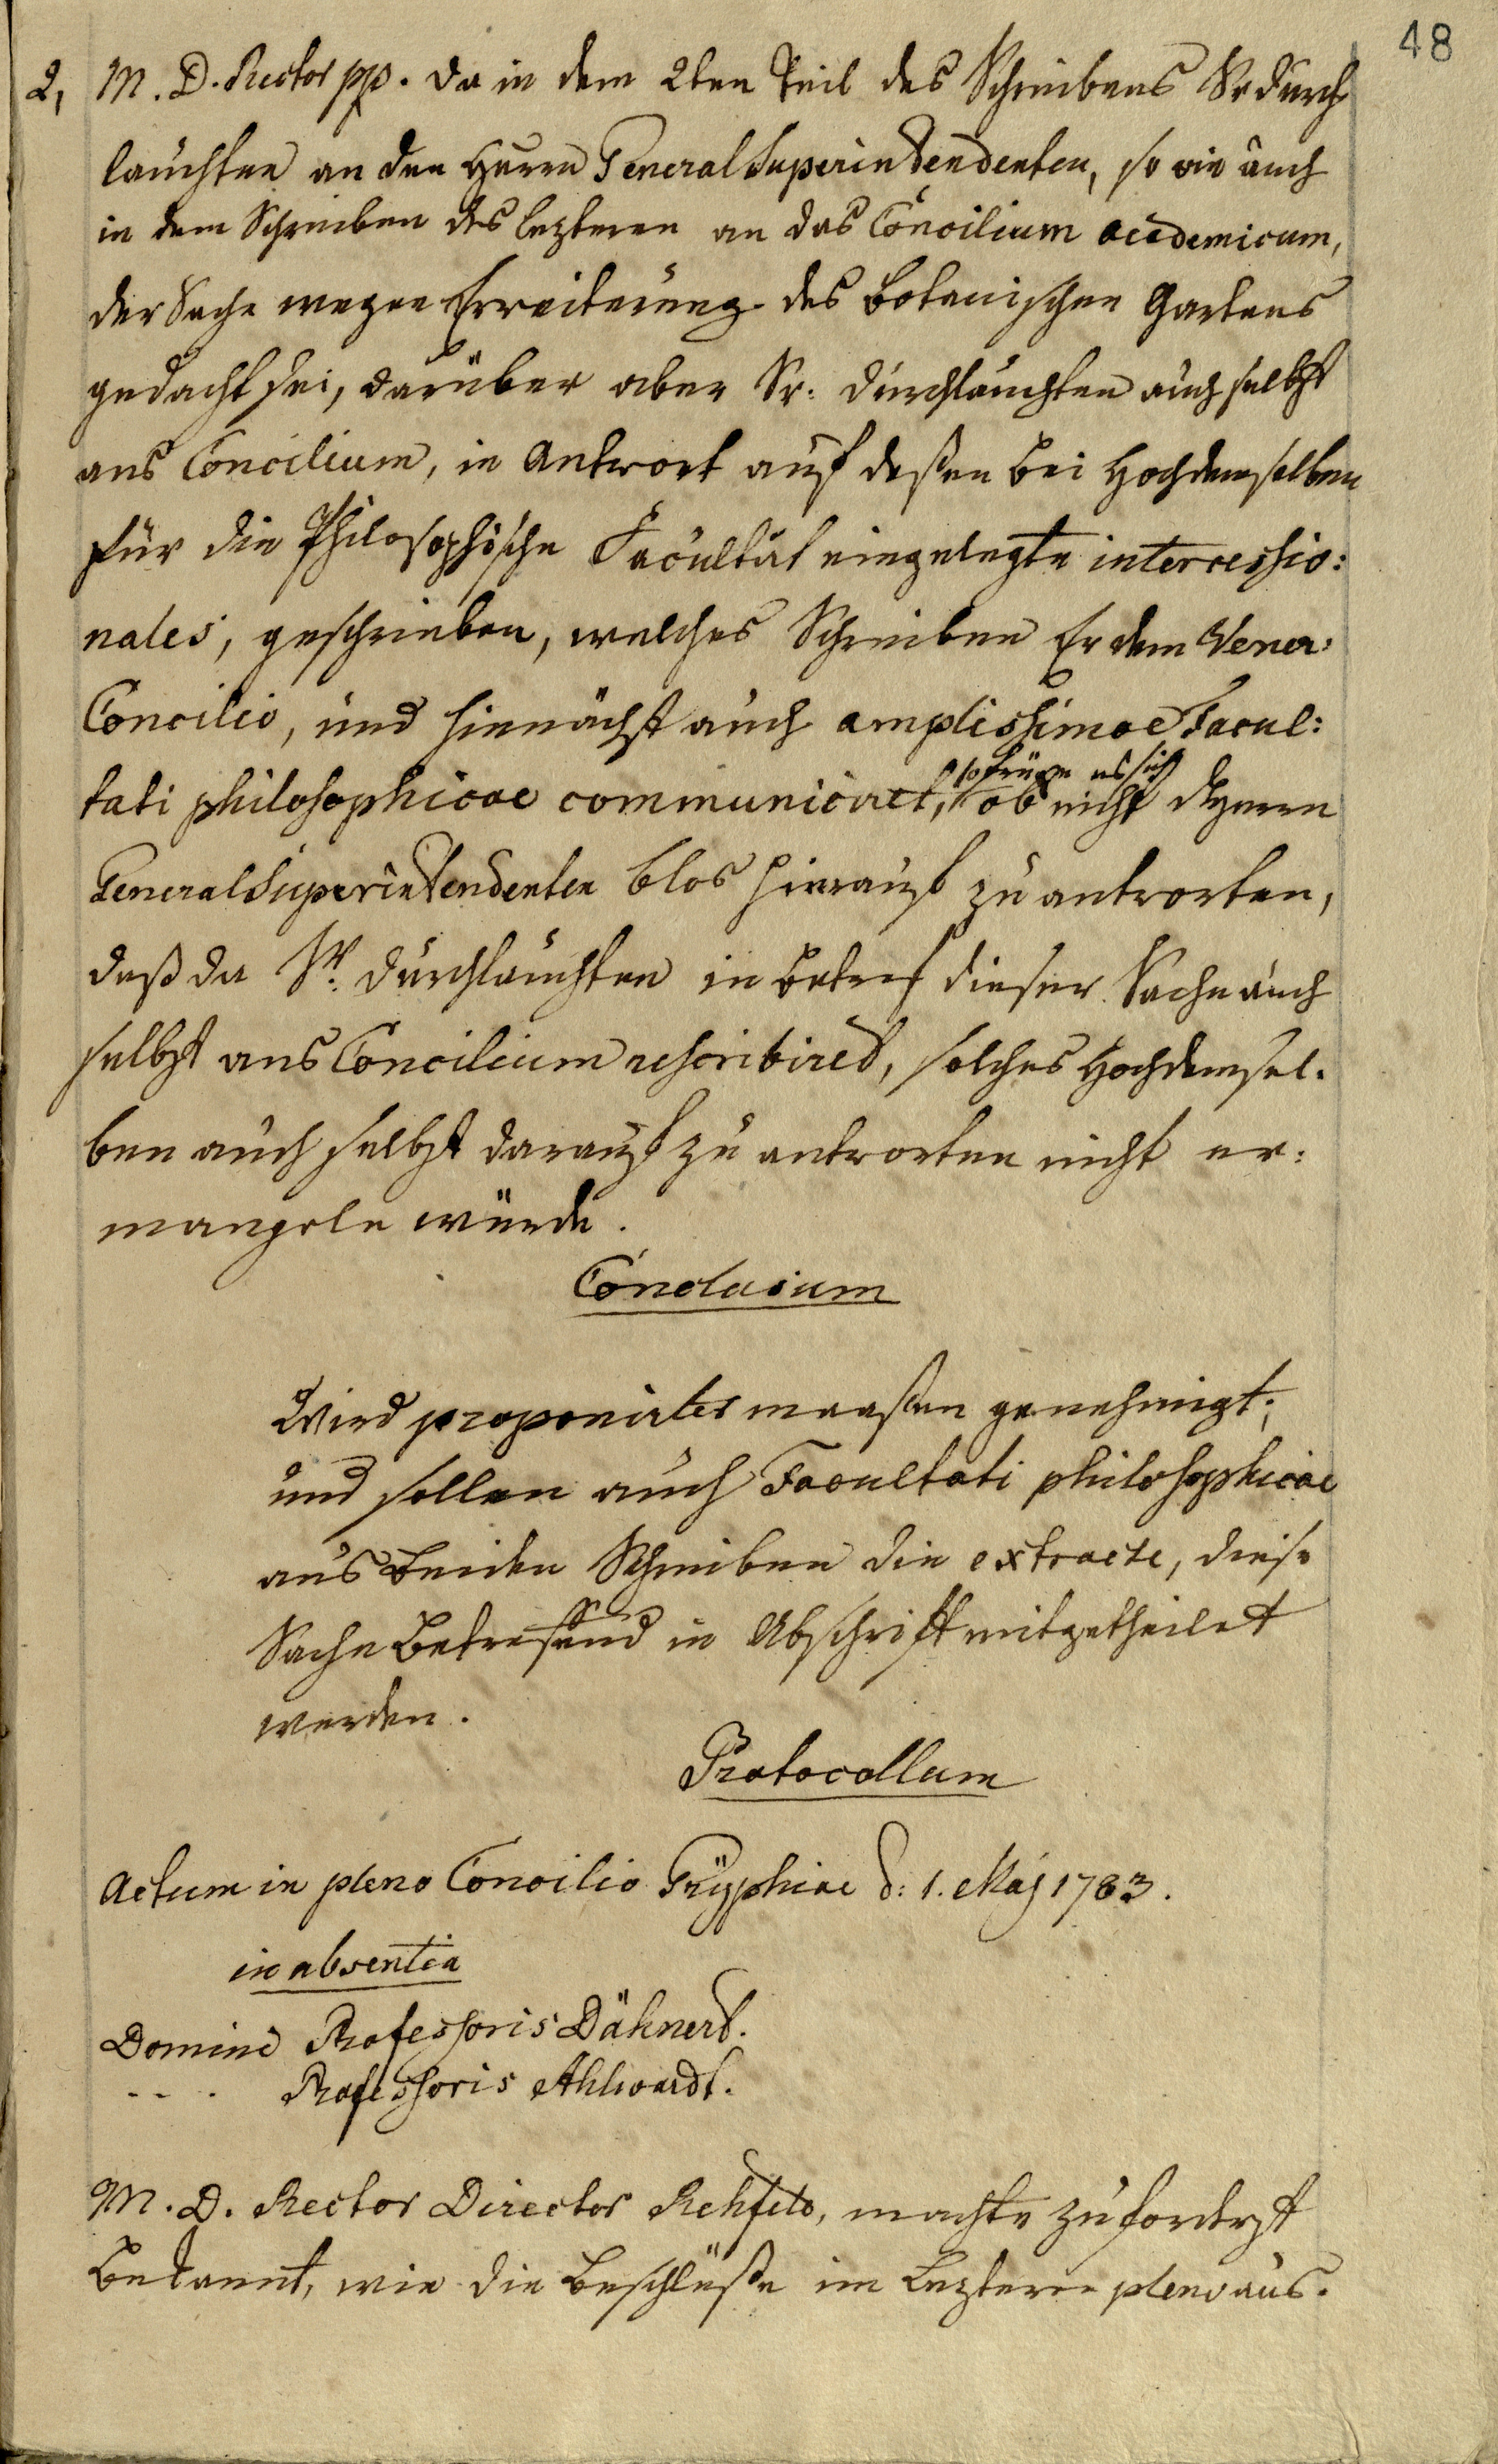2. M. D. Rector pp. Da in dem 2 ten Teil des Schreibens Sr Durch¬
lauchten an den Herrn GeneralSuperintendenten, so wie auch
in dem Schreiben des lezteren an das Concilium Academicum,
der Sache wegen Erweiterung des Botanischen Gartens
gedacht sei, darüber aber Sr Durchlauchten auch selbst
ans Concilium, in Antwort auf dessen bei Hochdemselben
für die Philosophische Facultät eingelegte intercessio¬
nales, geschrieben, welches Schreiben Er dem Vener.
Concilio, und hienächst auch amplissimae Facul¬
tati philosophicae communiciret, so früge es sich, ob nicht dHerrn
GeneralSuperintendenten blos hierauf zu antworten,
daß da Sr Durchlauchten in Betref dieser Sache auch
selbst aus Concilium rescribiret, solches Hochdemsel¬
ben auch selbst darauf zu antworten nicht er¬
mangeln würde.
Conclusum
Wird proponirter maaßen genehmigt;
und sollen auch Facultati philosophicae
aus beiden Schreiben die extracte, diese
Sache betreffend in Abschrift mitgetheilet
werden.
Protocollum
Actum in pleno Concilio Grÿpethiae d. 1. Maj 1783.
in absentia
Domini Professoris Dähnert.
Professoris Ahlwardt.
M. D. Rector Director Rehfeld, machte zuforderst
bekannt, wie die Beschlüße im Lezteren pleno aus¬